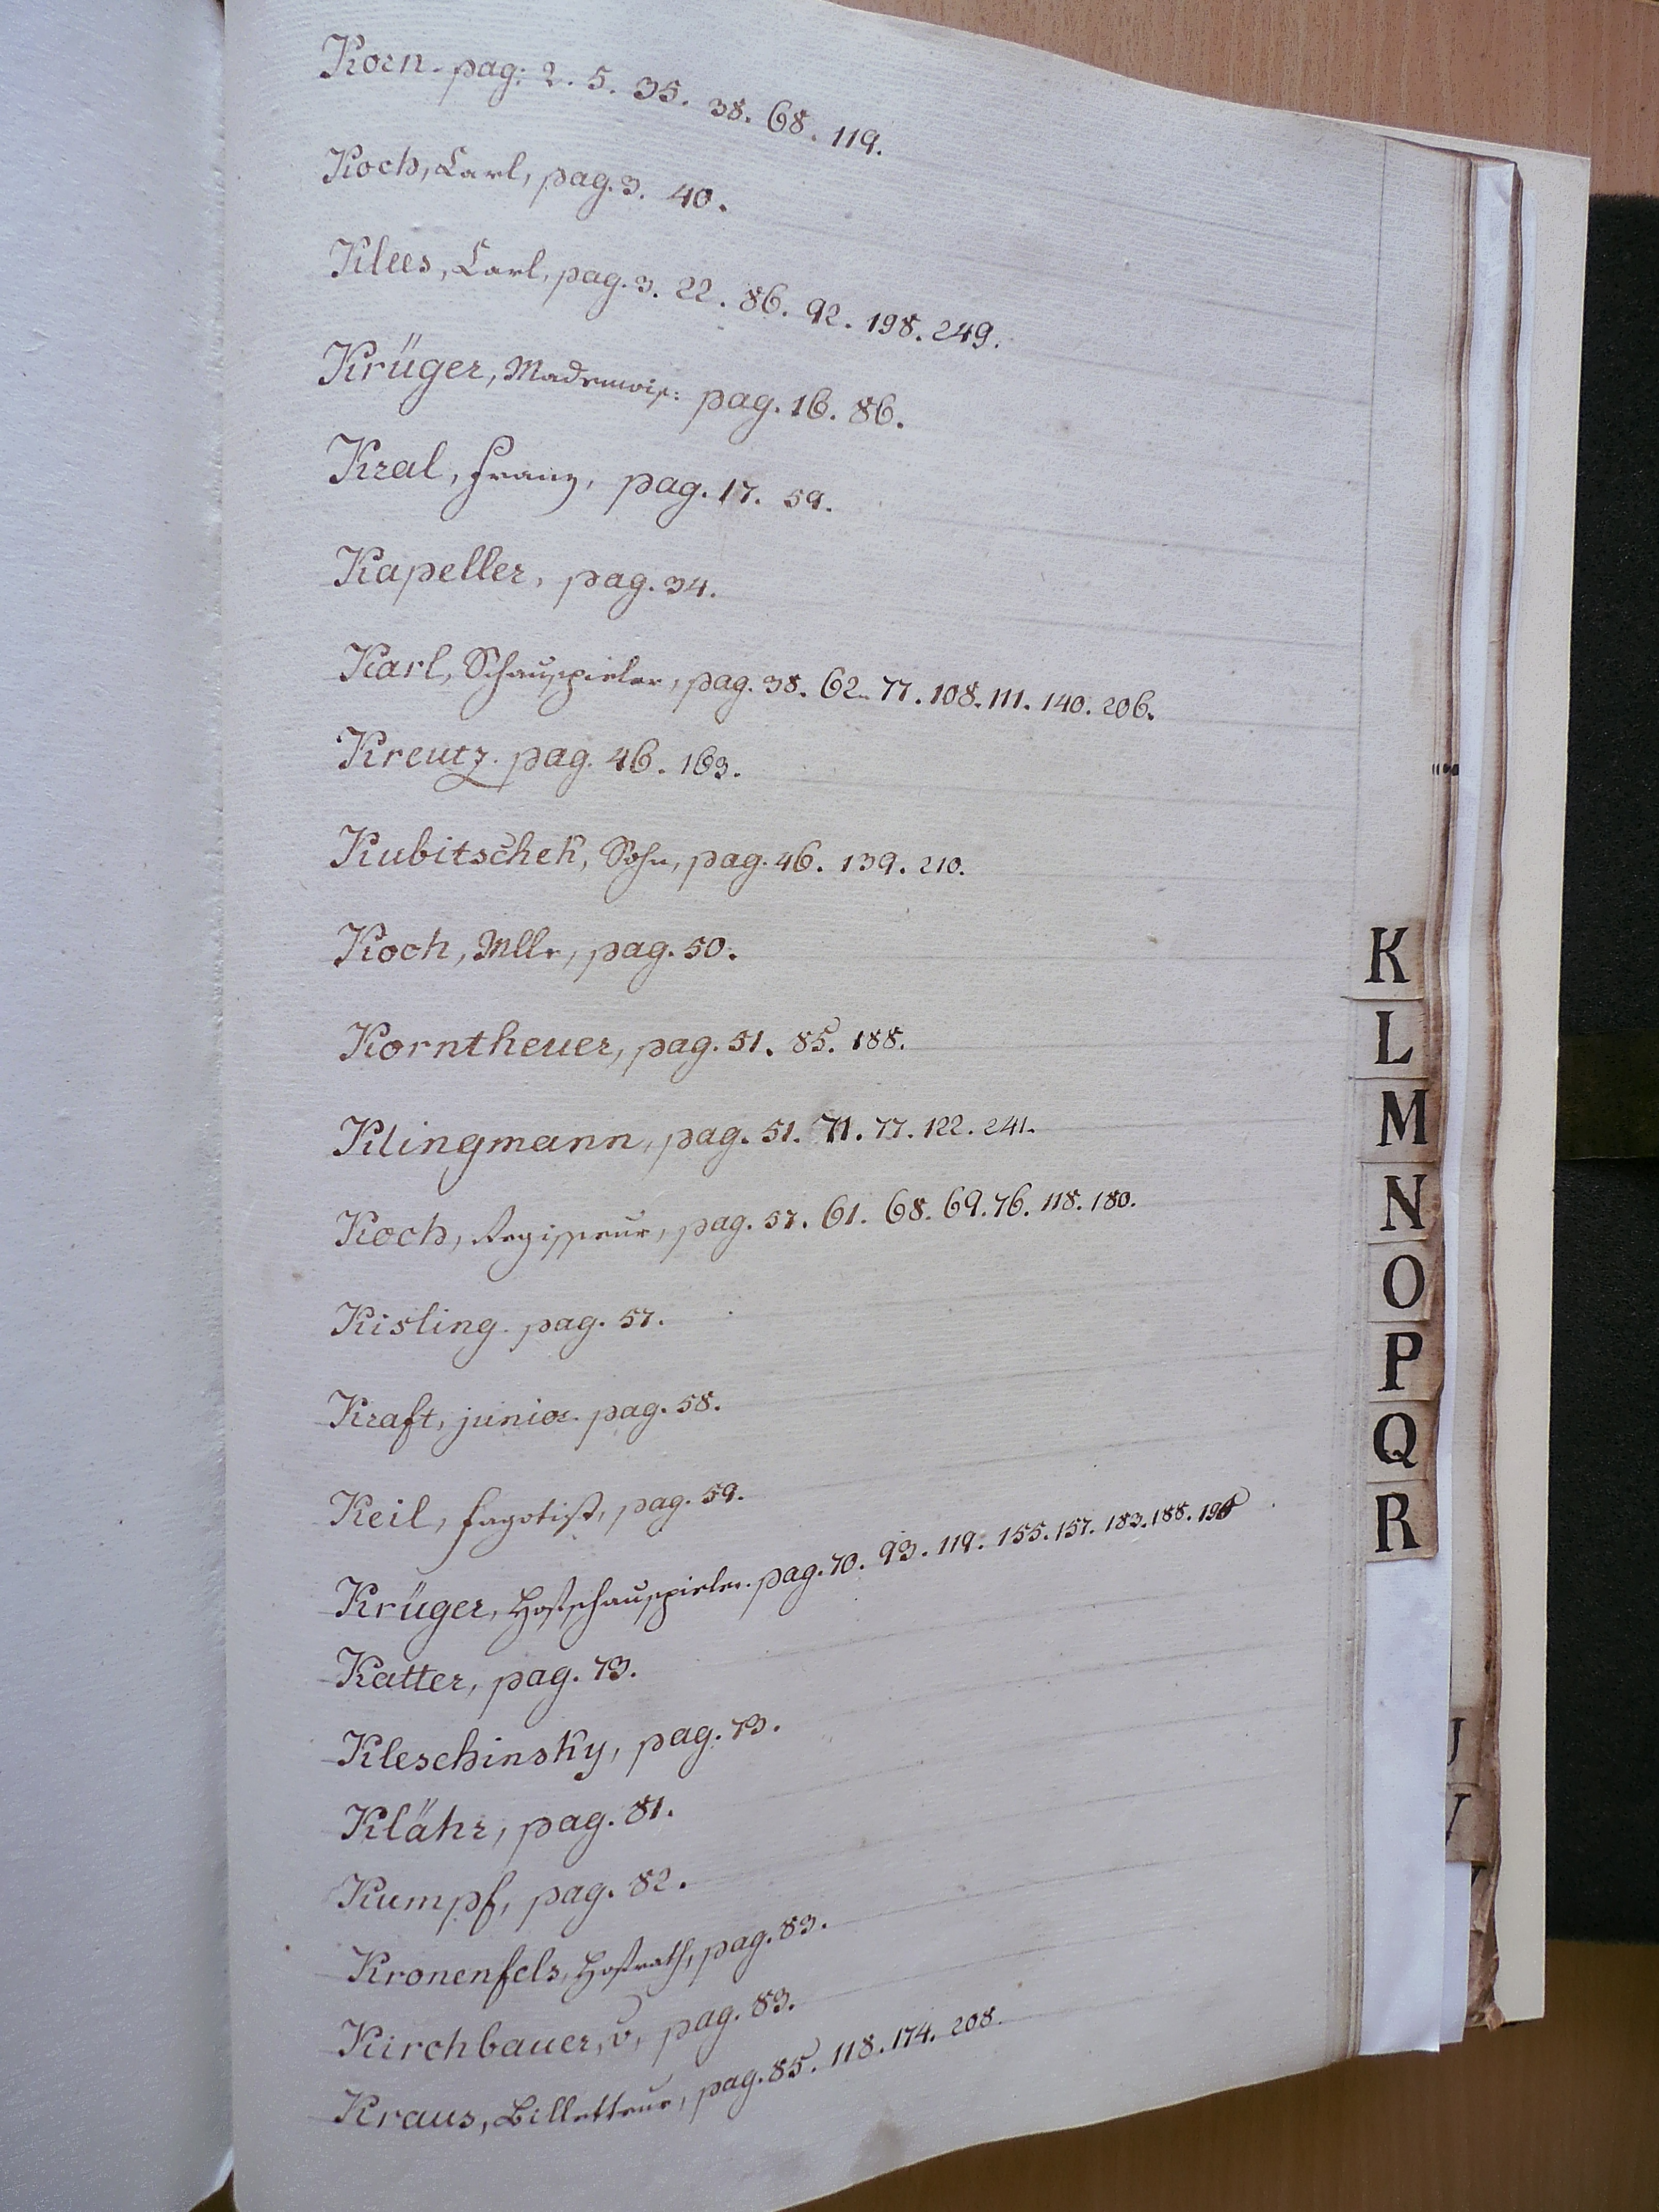K
Korn. pag: 2. 5. 35. 38. 68. 119.
Koch, Carl, pag. 3. 40.
Klees, Carl, pag. 3. 22. 86. 92. 198. 249.
Krüger, Mademois: pag. 16. 86.
Kral, Franz, pag. 17. 59.
Kapeller, pag. 34.
Karl, Schauspieler, pag. 38. 62. 77. 108. 111. 140. 206.
Kreutz. pag. 46. 163.
Kubitschek, Sohn, pag. 46. 139. 210.
Koch, Mlle, pag. 50.
Korntheuer, pag. 51. 85. 188.
Klingmann, pag. 51. 71. 77. 122. 241.
Koch, Regisseur, pag. 57. 61. 68. 69. 76. 118. 180.
Kisling. pag. 57.
Kraft, junior. pag. 58.
Keil, Fagotist, pag. 59.
Krüger, Hofschauspieler. pag. 70. 93. 119. 155. 157. 183. 188. 195.
Katter, pag. 73.
Kleschinsky, pag. 73.
Klähr, pag. 81.
Kumpf, pag. 81.
Kronenfels, Hofrath, pag. 83.
Kirchbauer, v, pag. 83.
Kraus, Billetteur, pag. 85. 118. 174. 208.